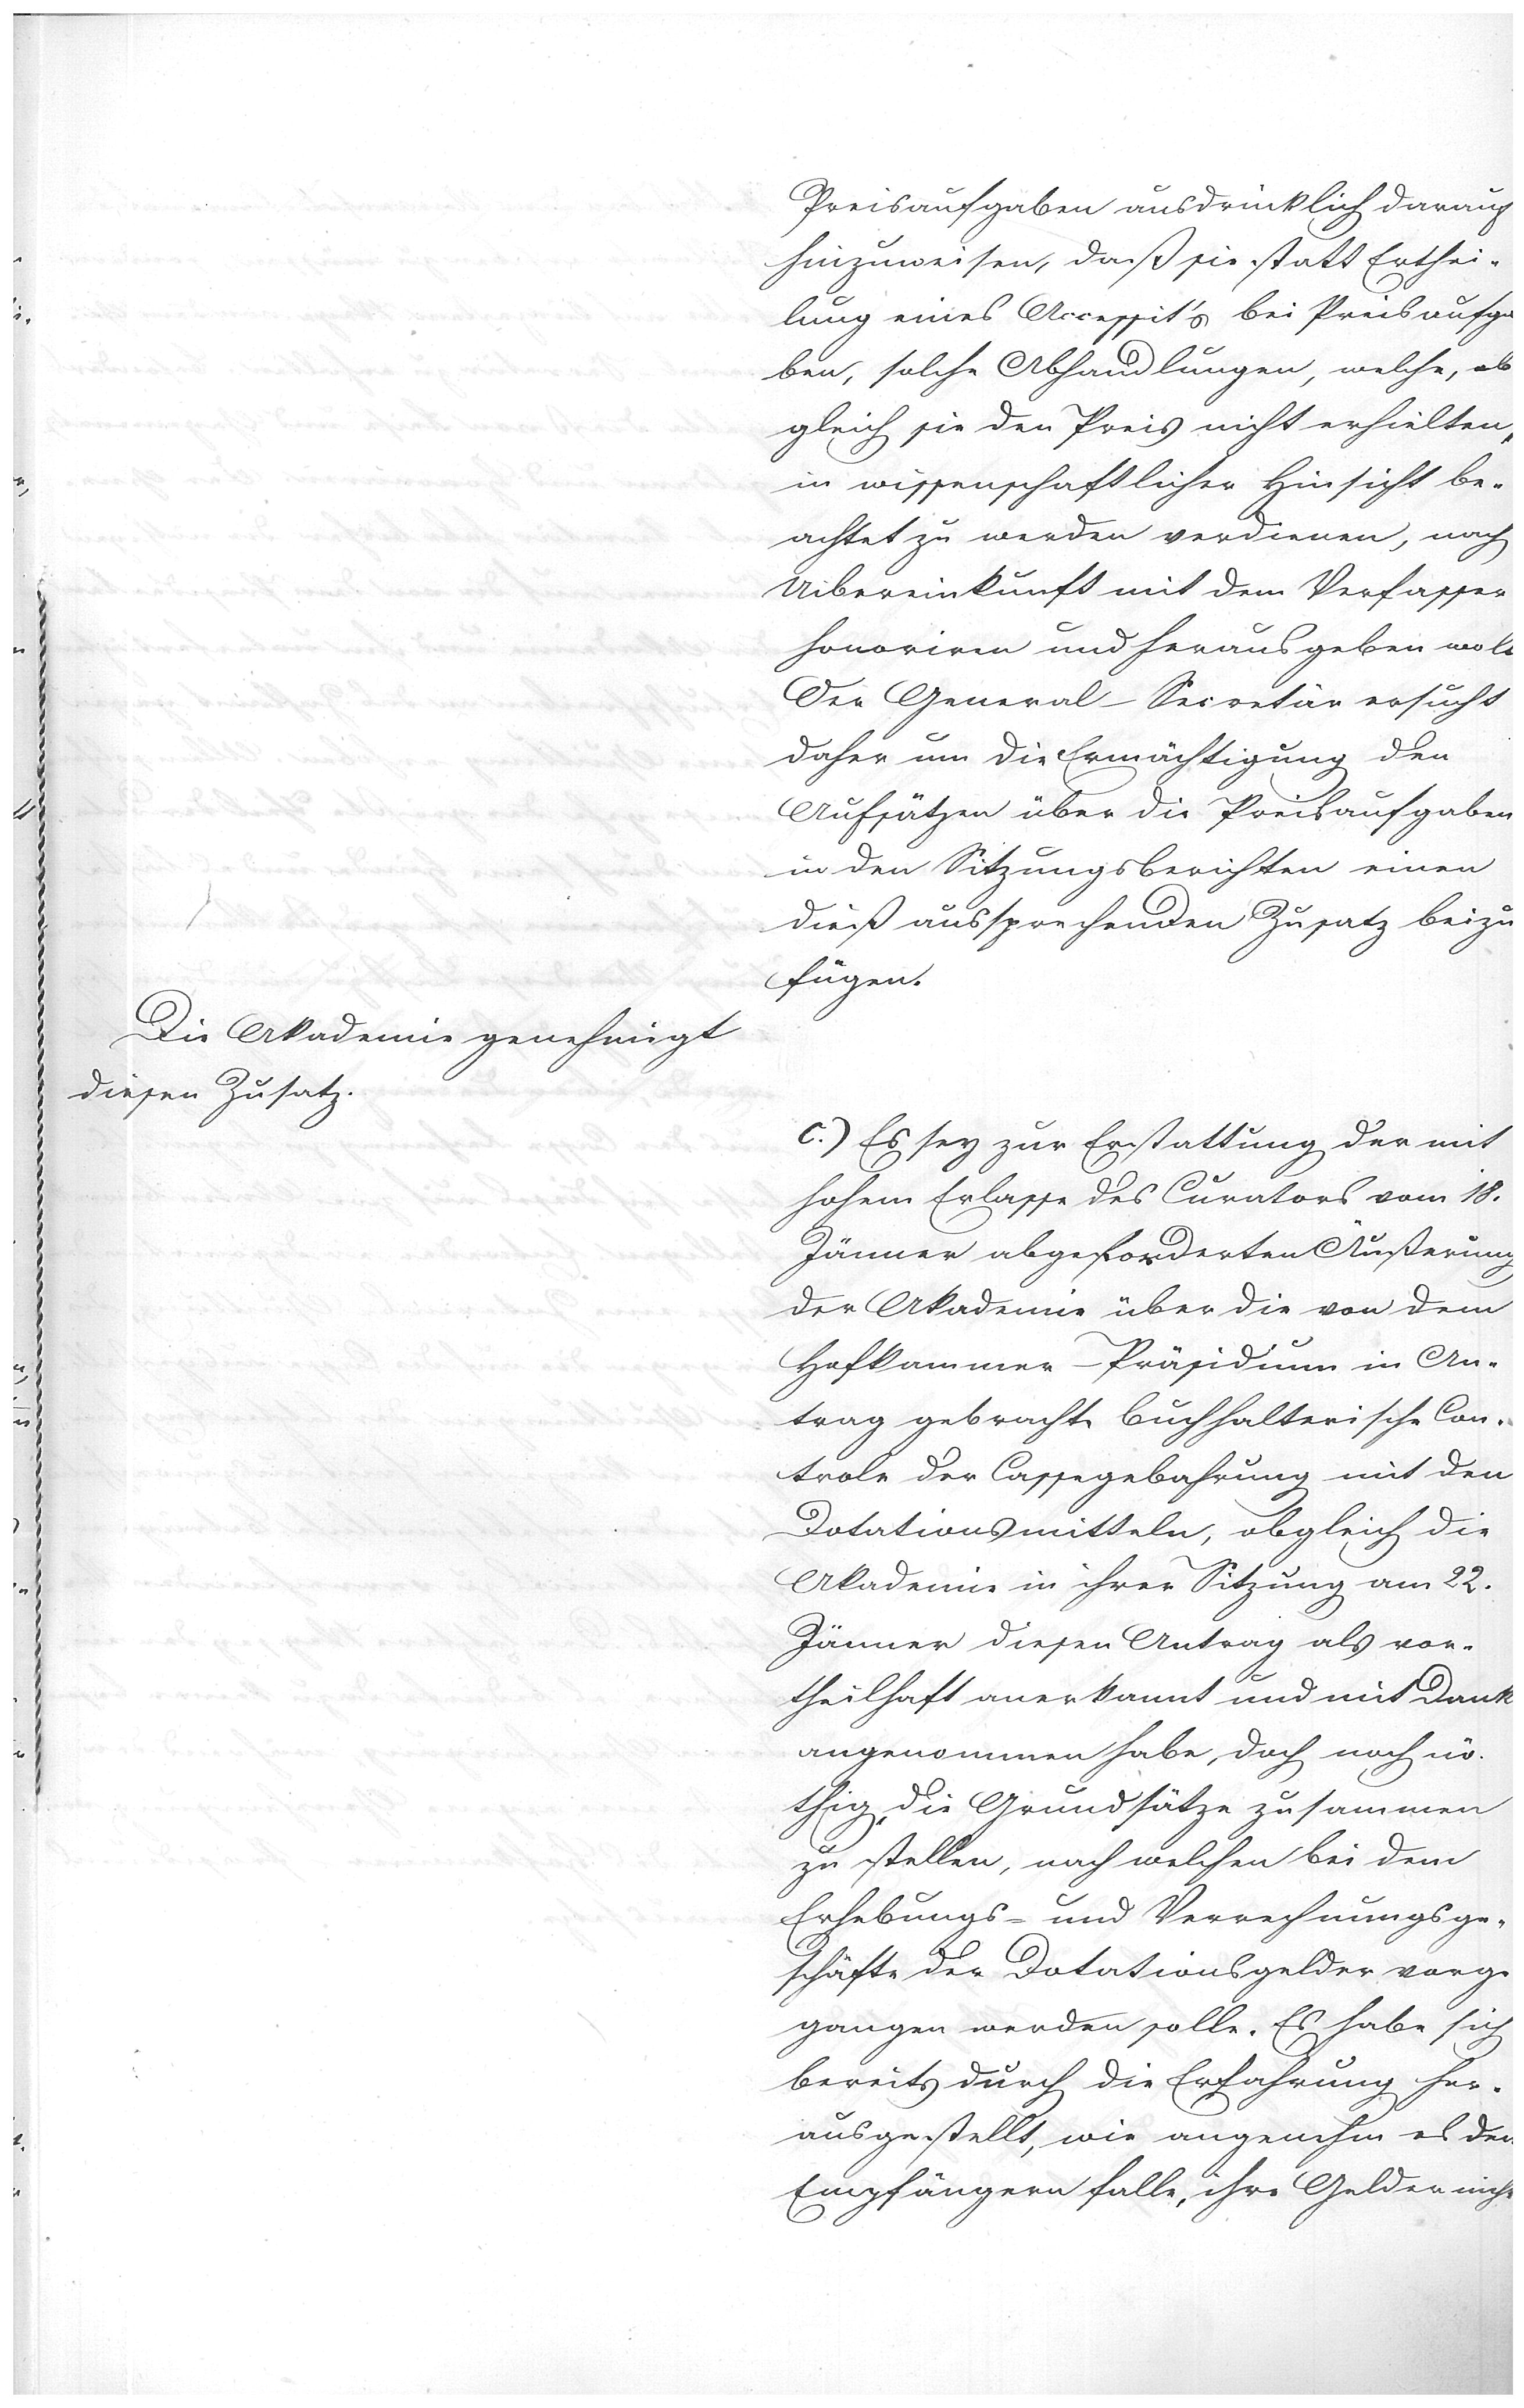Preisaufgaben ausdrücklich darauf
hinzuweisen, daß sie statt Erthei-
lung eines Accessit's bei Preisaufga-
ben, solche Abhandlungen, welche ob-
gleich sie den Preis nicht erhielten,
in wissenschaftlicher Hinsicht be-
achtet zu werden verdienen, nach
Uibereinkunft mit dem Verfasser
honoriren und herausgeben wolle.
Der General-Secretär ersucht
daher um die Ermächtigung den
Aufsätzen über die Preisaufgaben
in den Sitzungsberichten einen
dieß aussprechenden zusatz beizu
fügen.
Die Akademie genehmigt
diesen Zusatz.
c) Es sey zur Erstattung der mit
hohem Erlasse des Curators vom 18.
Jänner abgeforderten Äußerung
der Akademie über die von dem
Hofkammer-Präsidium in An-
trag gebrachte buchhalterische Con-
trole der Cassegebahrung mit den
Dotationsmitteln, obgleich die
Akademie in ihrer Sitzung am 22.
Jänner diesen Antarg vor
theilhaft anerkannt und mit Dank
angenommen habe, doch noch nö-
thig, die Grundsätze zusammen
zu stellen, nach welchen bei dem
Erhebungs- und Verrechnungsge-
schäfte der Dotationsgelder vorge.
gangen werden solle. Es habe sich
bereits durch die Erfahrung her-
ausgestellt, wie angenehm es den
Empfängern falle, ihre Gelder nicht